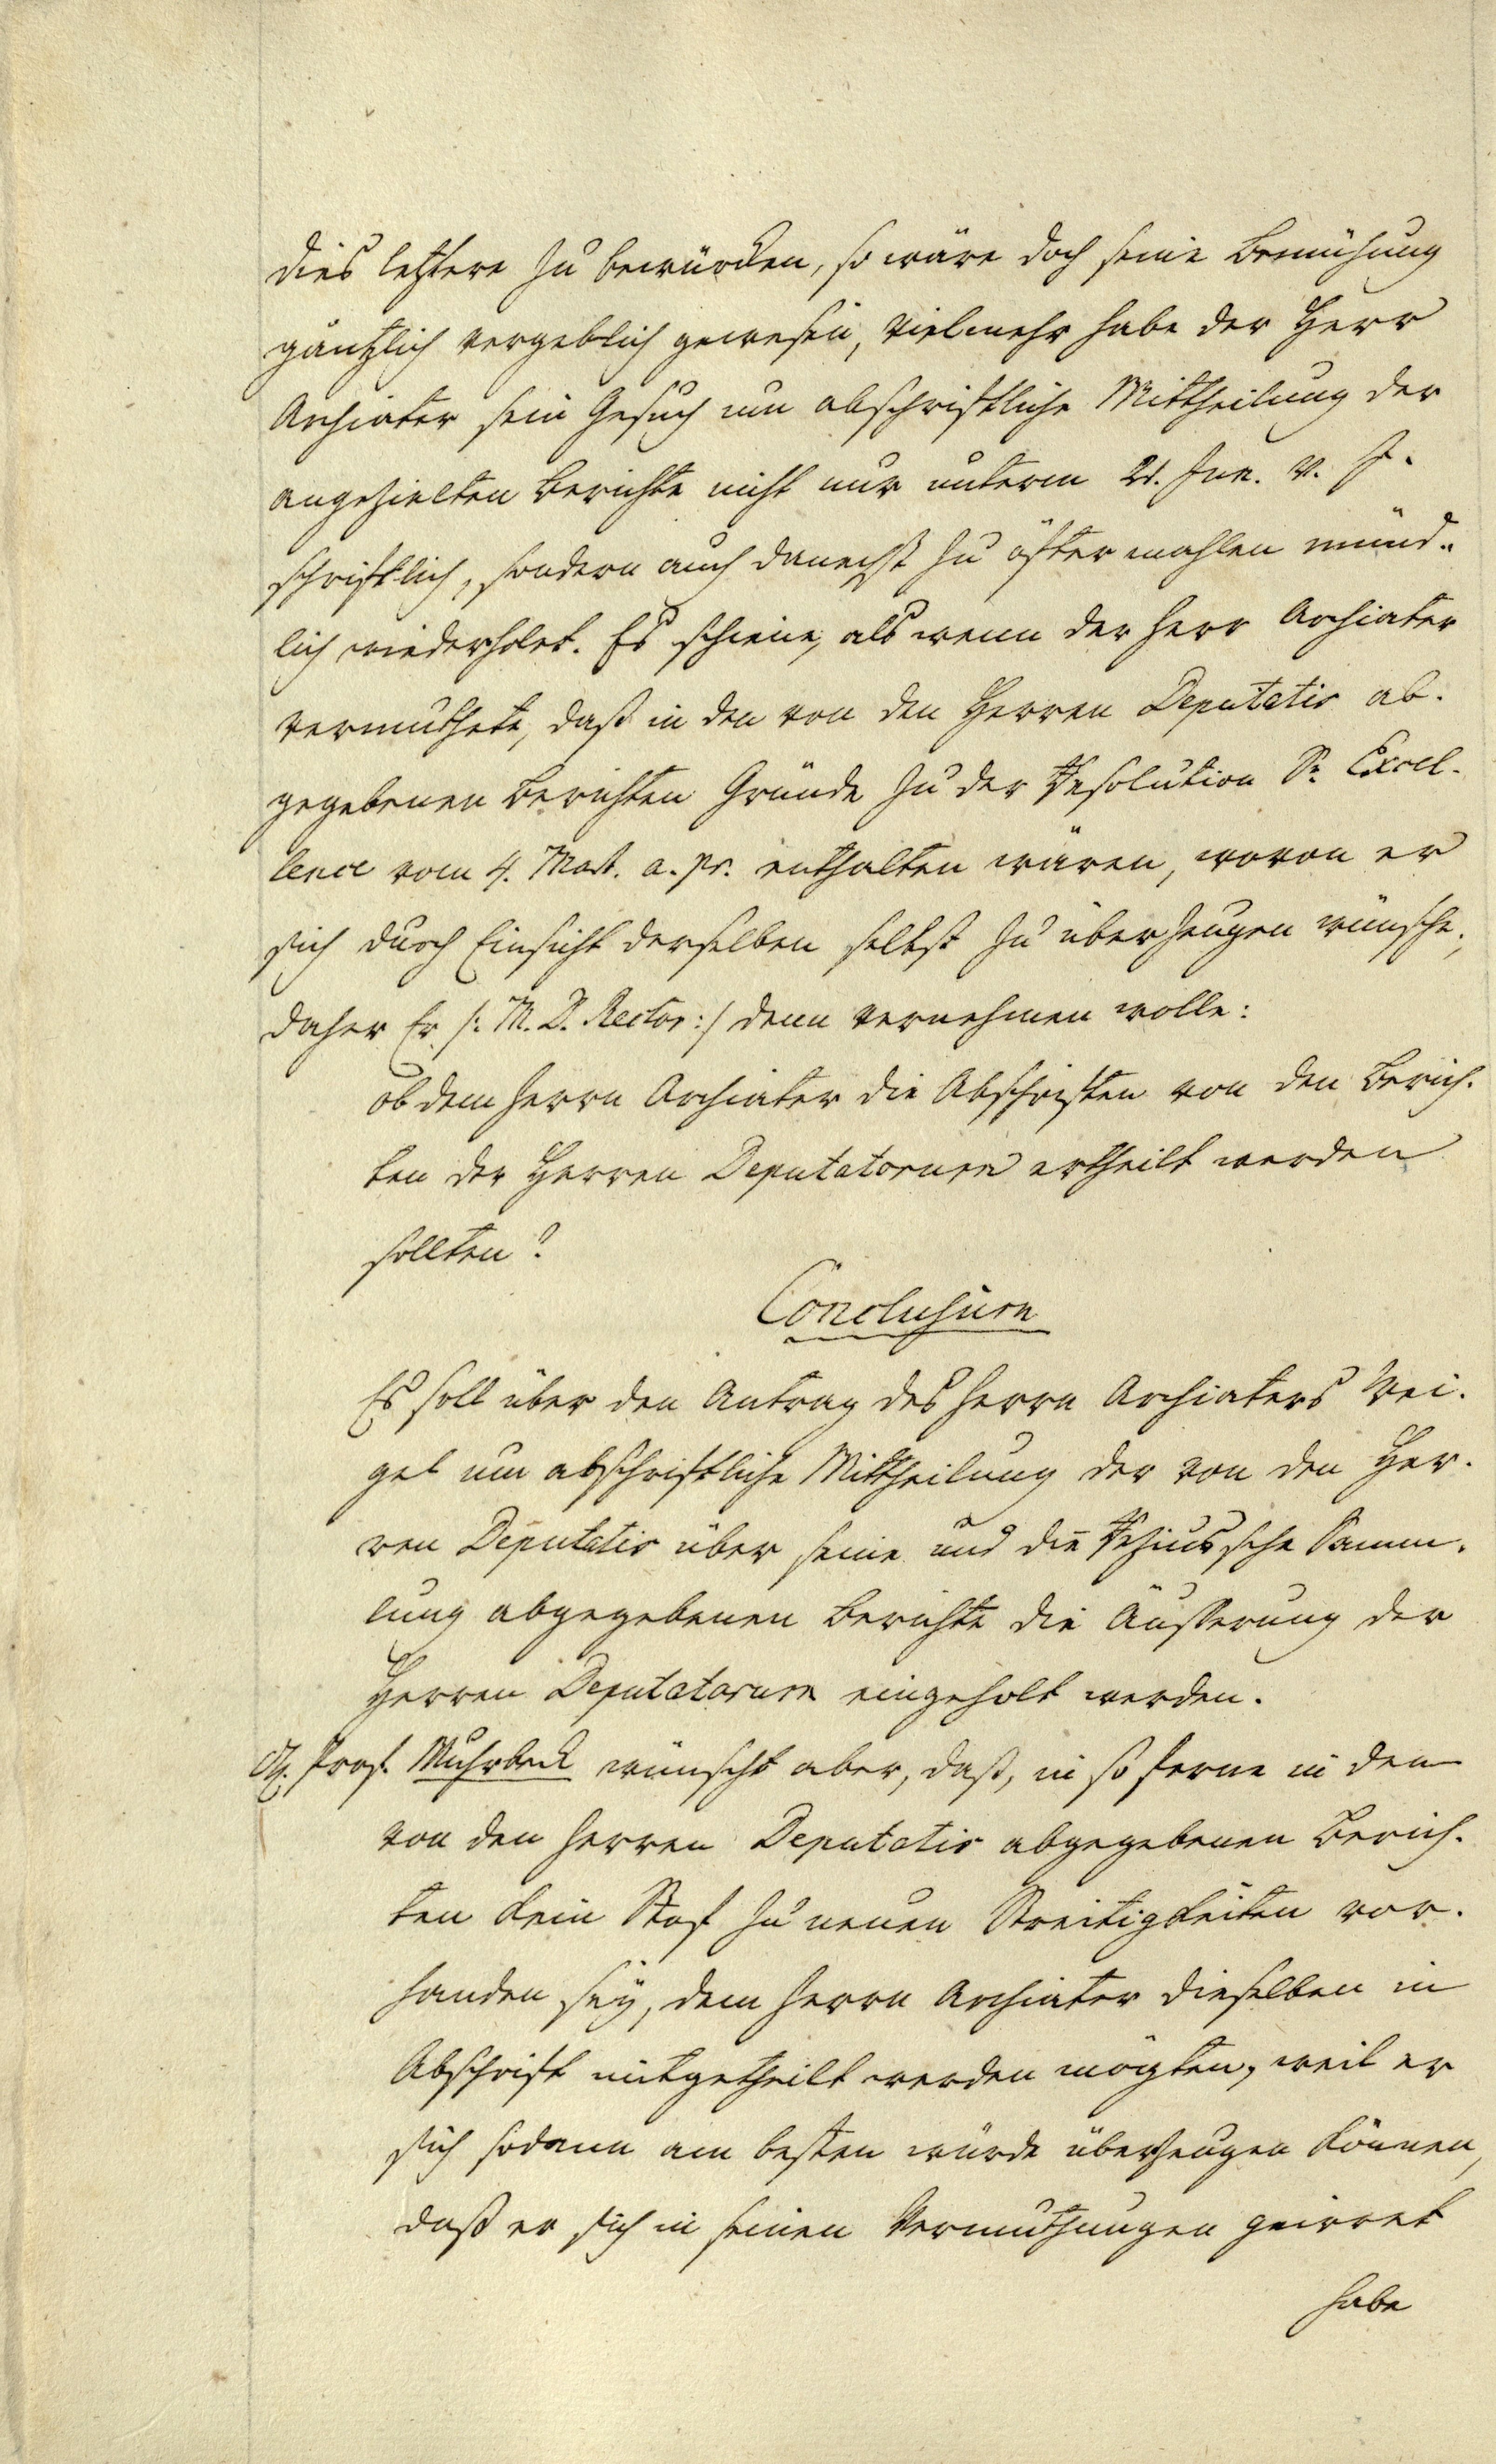dies letztere zu bewürcken, so wäre doch seine Bemühung
gäntzlich vergeblich gewesen, vielmehr habe der Herr
Archiater sein Gesuch um abschriftliche Mittheilung der
angezielten Berichte nicht nur unterm 21. Jun. v. J.
schriftlich, sondern auch danechst zu öfter mahlen münd¬
lich wiederholet. Es schiene, als wenn der Herr Archiater
vermuthete, daß in den von den Herren Deputatis ab¬
gegebenen Berichten Gründe zu der Resolution Sr. Excel¬
lence vom 4. Mart. a. pr. enthalten wären, wovon er
sich durch Einsicht derselben selbst zu überzeugen wünsche;
daher Er /: M. D. Rector :/ denn vernehmen wolle:
ob dem Herrn Archiater die Abschriften von den Berich¬
ten der Herren Deputatorum ertheilt werden
sollten?
Conclusum
Es soll über den Antrag des Herrn Archiaters Wei¬
gel um abschriftliche Mittheilung der von den Her¬
ren Deputatis über seine und die Reziussche Samm¬
lung abgegebenen Berichte die Äusserung der
Herren Deputatorum eingeholt werden.
dh. Prof. Muhrbeck wünscht aber, daß, in so ferne in den
von den Herren Deputatis abgegebenen Berich¬
ten kein Stof zu neuen Streitigkeiten vor¬
handen seÿ, dem Herrn Archiater dieselben in
Abschrift mitgetheilt werden mögten, weil er
sich sodann am besten würde überzeugen können,
daß er sich in seinen Vermuthungen geirret
habe